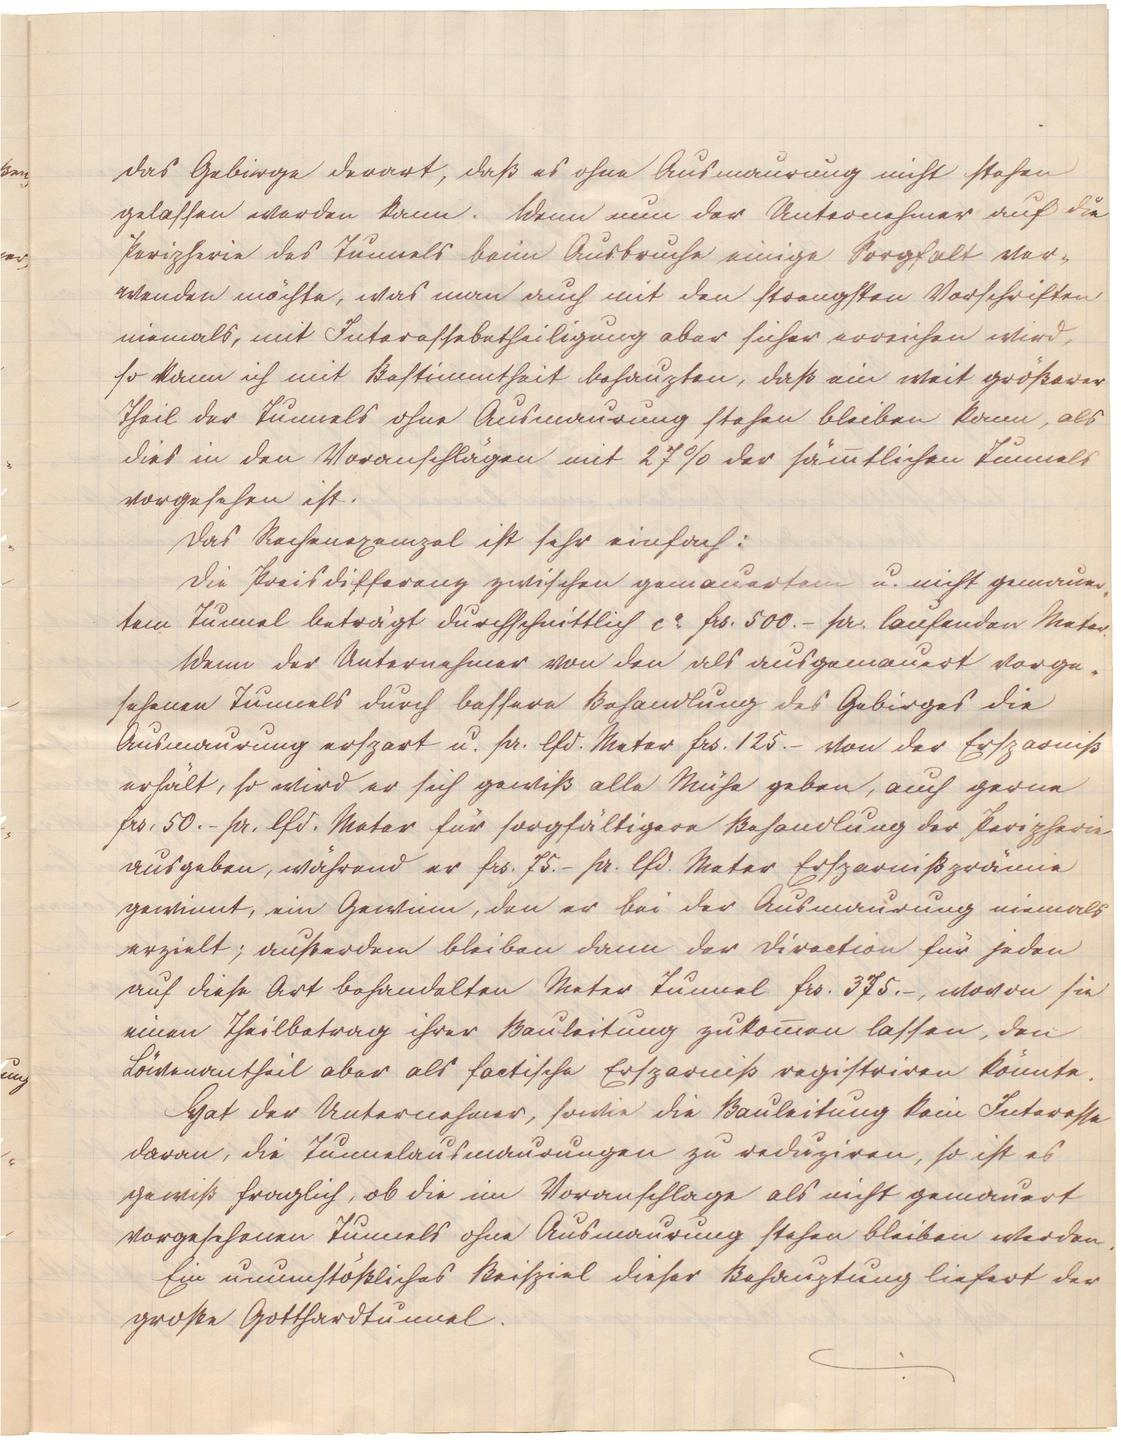das Gebirge derart, daß es ohne Ausmaurung nicht
stehen
gelassen werden kann. Wenn nun der Unternehmer auf die
Peripherie des Tunnels beim Ausbruche einige Sorgfalt ver-
wenden möchte, was man auch mit den strengsten Vorschriften
niemals, mit Interessebetheiligung aber sicher erreichen wird,
so kann ich mit Bestimmtheit behaupten, daß ein weit größerer
Theil der Tunnels ohne Ausmaurung stehen bleiben kann, als
dies in den Voranschlägen mit 27% der sämmtlichen Tunnels
vorgesehen ist.
Das Rechenexempel ist sehr einfach:
Die Preisdifferenz zwischen gemauertem u. nicht gemauer-
tem Tunnel beträgt durchschnittlich ca frs. 500.– pr. laufenden Meter.
Wenn der Unternehmer von den als ausgemauert vorge-
sehenen Tunnels durch bessere Behandlung des Gebirges die
Ausmaurung erspart u. pr. lfd. Meter frs. 125.– von der Ersparniß
erhält, so wird er sich gewiß alle Mühe geben, auch gerne
frs. 50.– pr. lfd. Meter für sorgfältigere Behandlung der Peripherie
ausgeben, während er frs. 75.– pr. lfd. Meter Ersparnißprämie
gewinnt, ein Gewinn, den er bei der Ausmaurung niemals
erzielt; außerdem bleiben dann der Direction für jeden
auf diese Art behandelten Meter Tunnel frs. 375.–, wovon sie
einen Theilbetrag ihrer Bauleitung zukommen lassen, den
Löwenantheil aber als factische Ersparniß registriren könnte.
Hat der Unternehmer, sowie die Bauleitung kein Interesse
daran, die Tunnelausmaurungen zu reduziren, so ist es
gewiß fraglich, ob die im Voranschlage als nicht gemauert
vorgesehenen Tunnels ohne Ausmaurung stehen bleiben werden.
Ein unumstößliches Beispiel dieser Behauptung liefert der
große Gotthardtunnel.